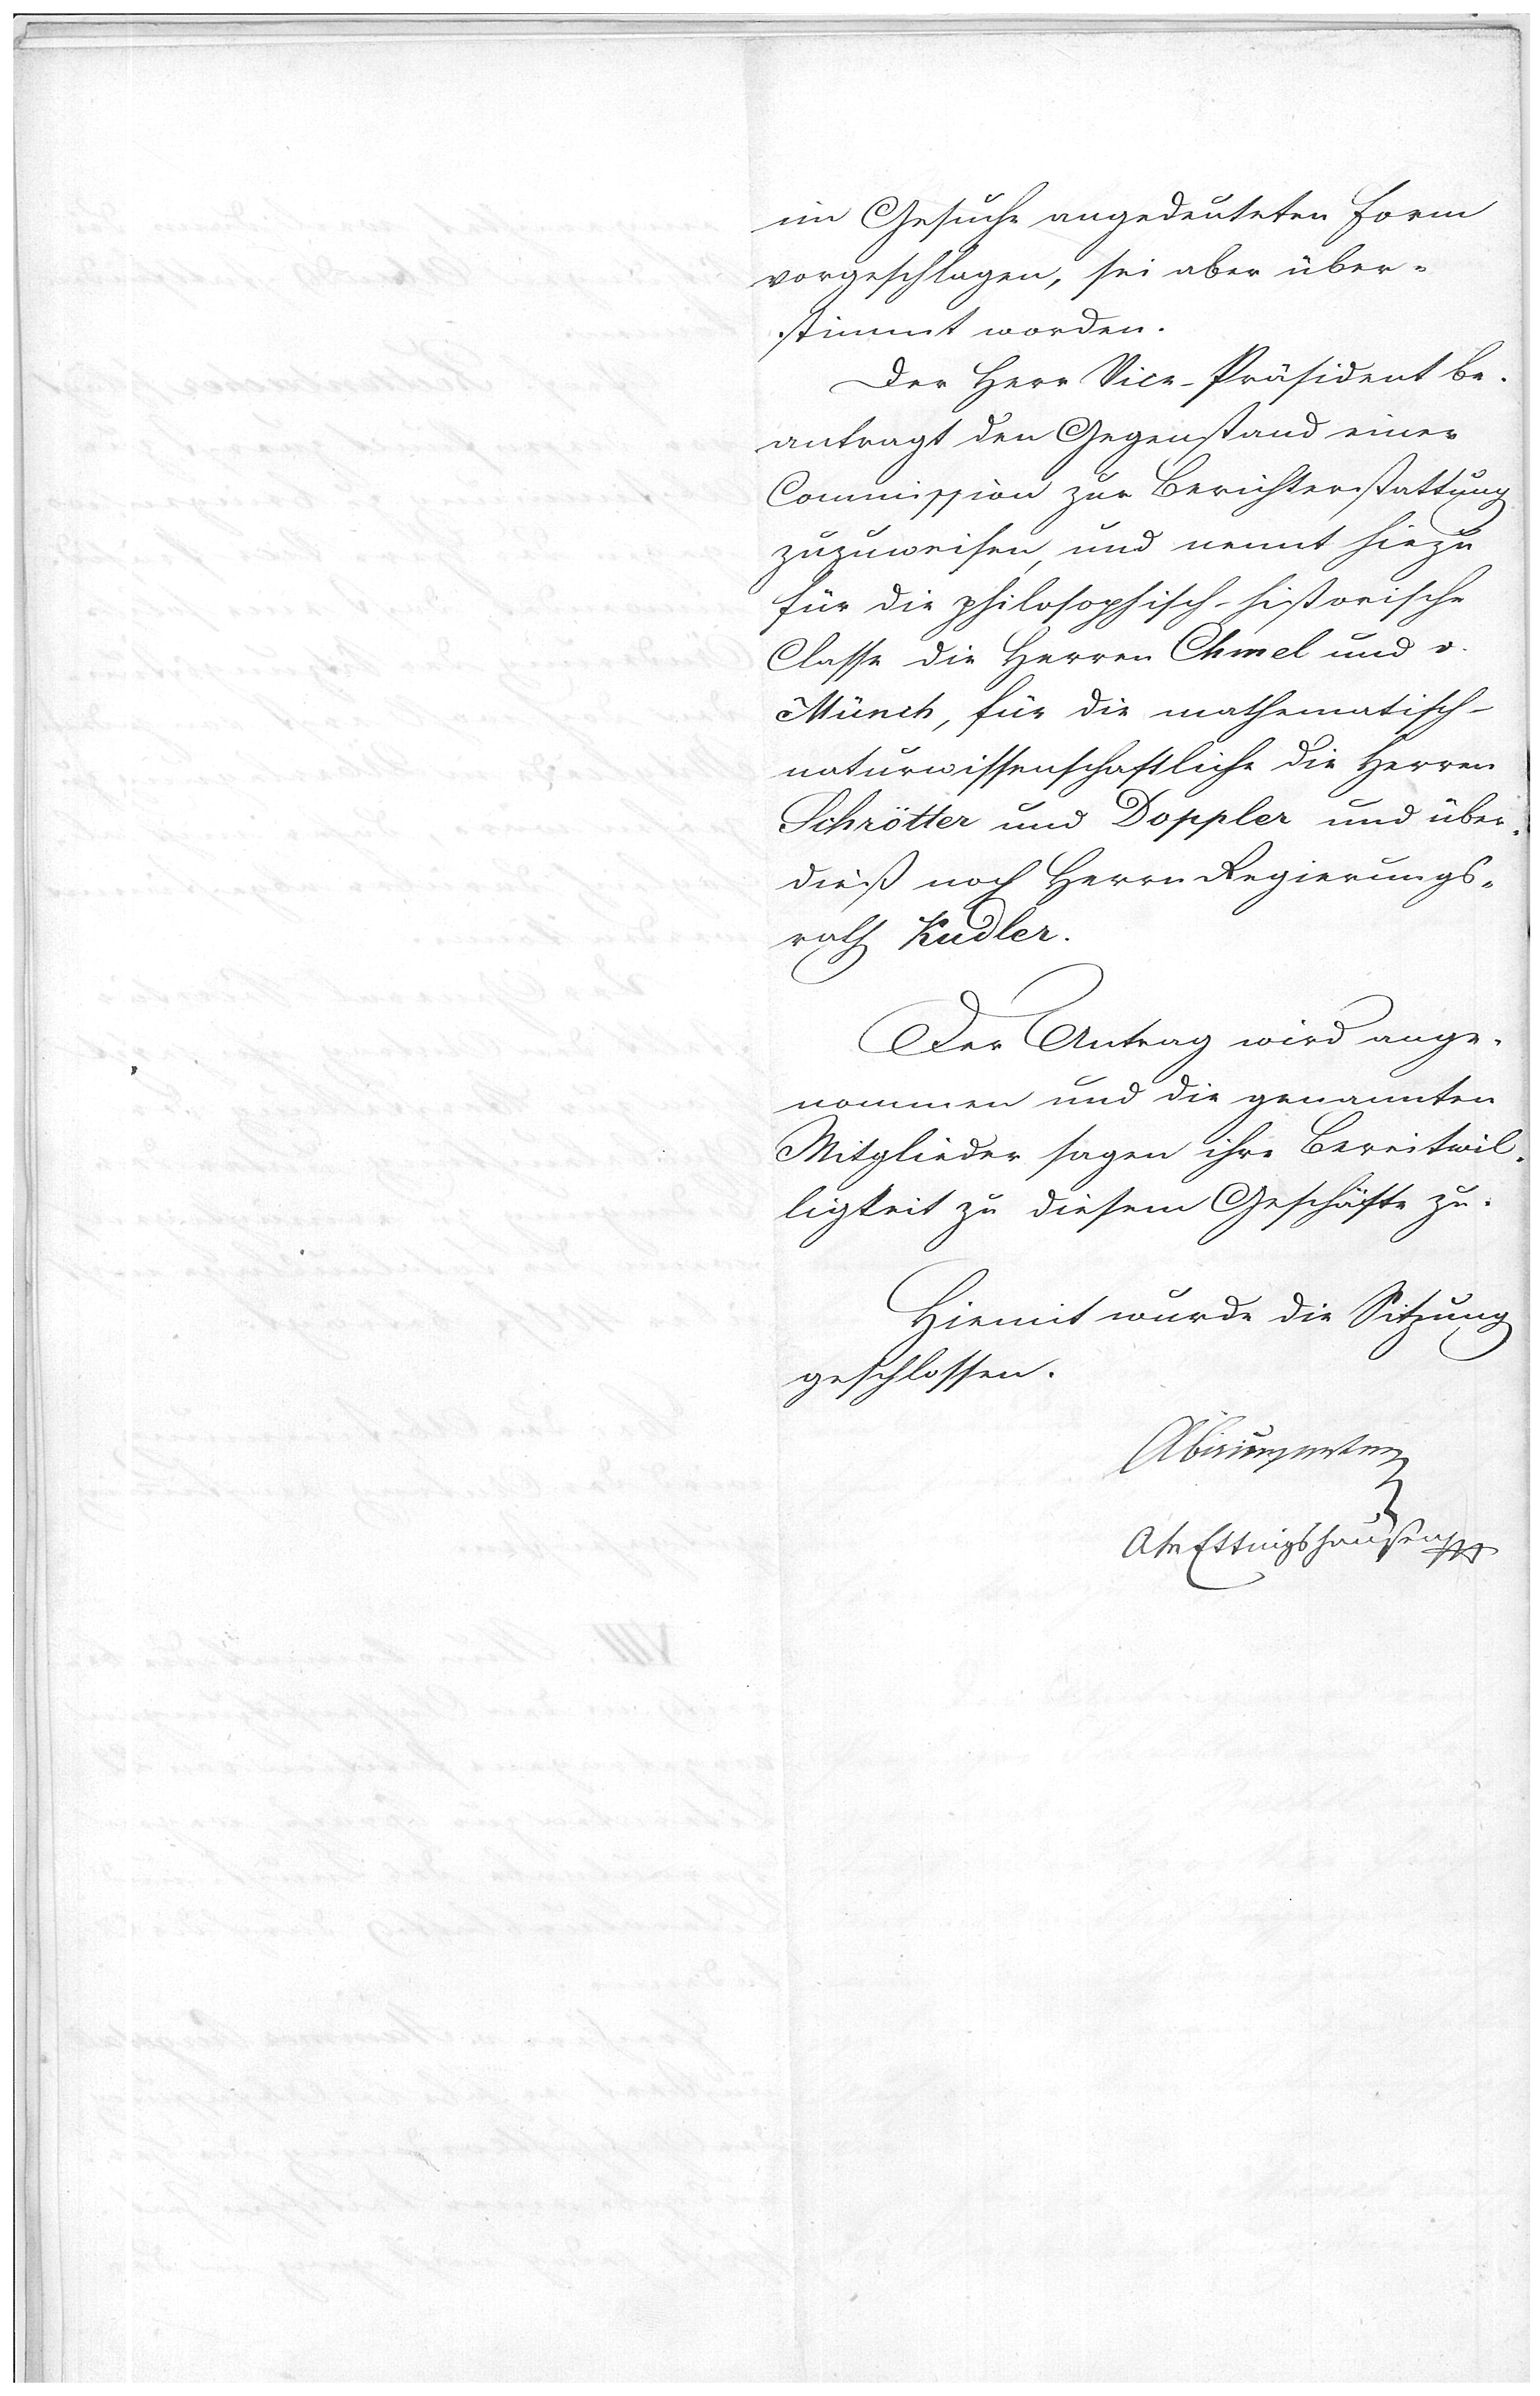im Gesuche angedeuteten Form
vorgeschlagen, sei aber über-
stimmt worden.
Der Herr Vice-Präsident be-
antragt den Gegenstand einer
Commission zur Berichterstattung
zuzuweisen und nennt hiezu
für die philosophisch-historische
Classe die Herren Chmel und v.
Münch, für die mathematisch-
naturwissenschaftliche die Herren
Schrötter und Doppler und über-
dieß noch Herrn Regierungs-
rath Kudler.
Der Antrag wird ange-
nommen und die genannten
Mitglieder sagen ihre Bereitwil-
ligkeit zu diesem Geschäfte zu.
Hiemit wurde die Sitzung
geschlossen.
ABaumgartner
AvEttingshausen